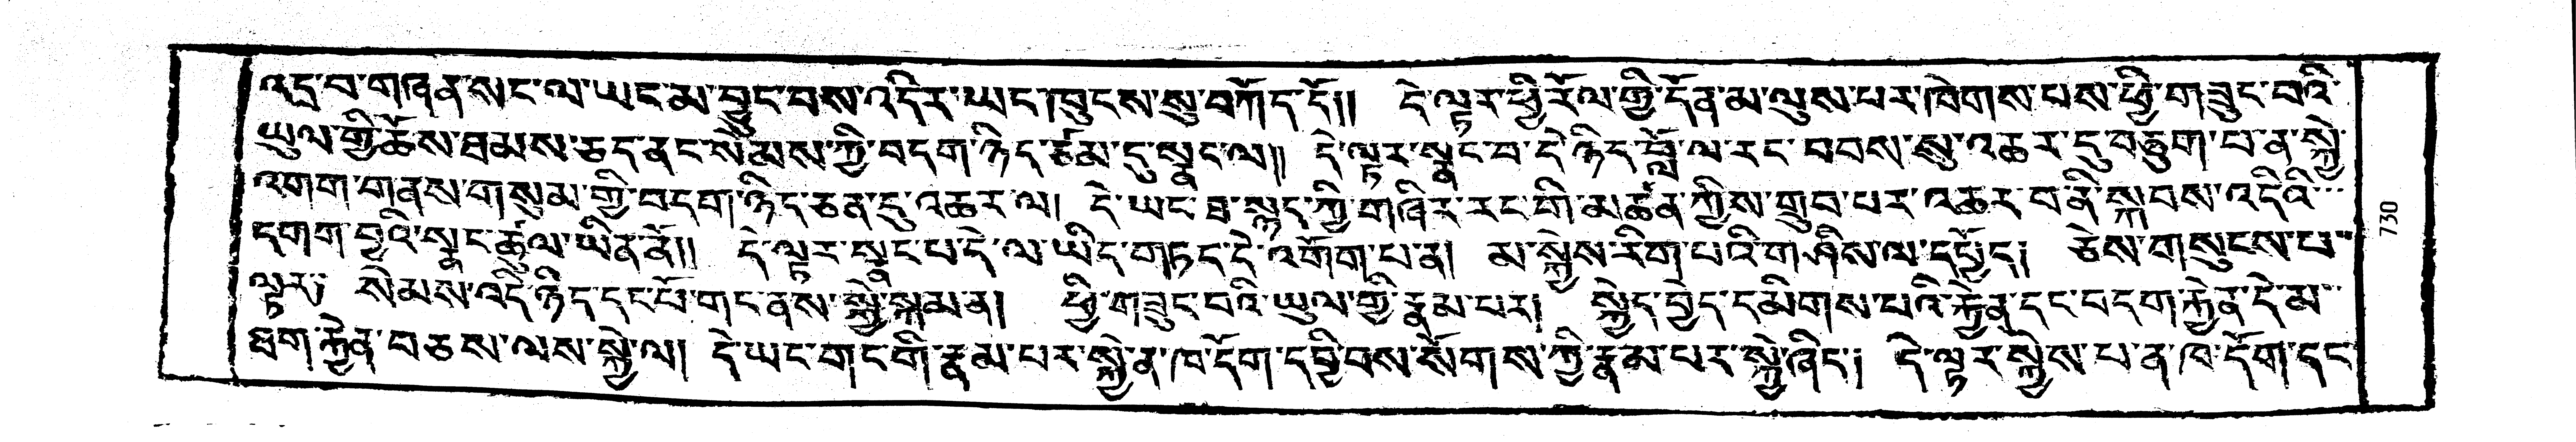འདྲ་བ་གཞན་སང་ལ་ཡང་མ་བྱུང་བས་འདིར་ཡང་ཁུངས་སུ་བཀོད་དོ། །དེ་ལྟར་ཕྱི་རོལ་གྱི་དོན་མ་ལུས་པར་ཁེགས་པས་ཕྱི་གཟུང་བའི་
ཡུལ་གྱི་ཆོས་ཐམས་ཅད་ནང་སེམས་ཀྱི་བདག་ཉིད་ཙམ་དུ་སྣང་ལ། །དེ་ལྟར་སྣང་བ་དེ་ཉིད་བློ་ལ་རང་བབས་སུ་འཆར་དུ་བཅུག་པ་ན་སྐྱེ་
འགག་གནས་གསུམ་གྱི་བདག་ཉིད་ཅན་དུ་འཆར་ལ། དེ་ཡང་ཐ་སྙད་ཀྱི་གཞིར་རང་གི་མཚན་ཉིད་ཀྱིས་གྲུབ་པར་འཆར་བ་ནི་སྐབས་འདིའི་
དགག་བྱའི་སྣང་ཚུལ་ཡིན་ནོ། །དེ་ལྟར་སྣང་པ་དེ་ལ་ཡིད་གཏད་དེ་འགོག་པ་ན། མ་སྐྱེས་རིགས་པའི་གཤིས་ལ་དཔྱོད། ཅེས་གསུངས་པ་
ལྟར༑ སེམས་འདི་ཉིད་དང་པོ་གང་ནས་སྐྱེ་སྐམ་ན། ཕྱི་གཟུང་བའི་ཡུལ་གྱི་རྣམ་པར། སྐྱེད་བྱེད་དམིགས་པའི་རྐྱེན་དང་བདག་རྐྱེན་དེ་མ་
ཐག་རྐྱེན་བཅས་ལས་སྐྱེ་ལ། དེ་ཡང་གང་གི་རྣམ་པར་སྐྱེ་ན་ཁ་དོག་དབྱིབས་སོགས་ཀྱི་རྣམ་པར་སྐྱེ་ཞིང་། དེ་ལྟར་སྐྱེས་པ་ན་ཁ་དོག་དང་